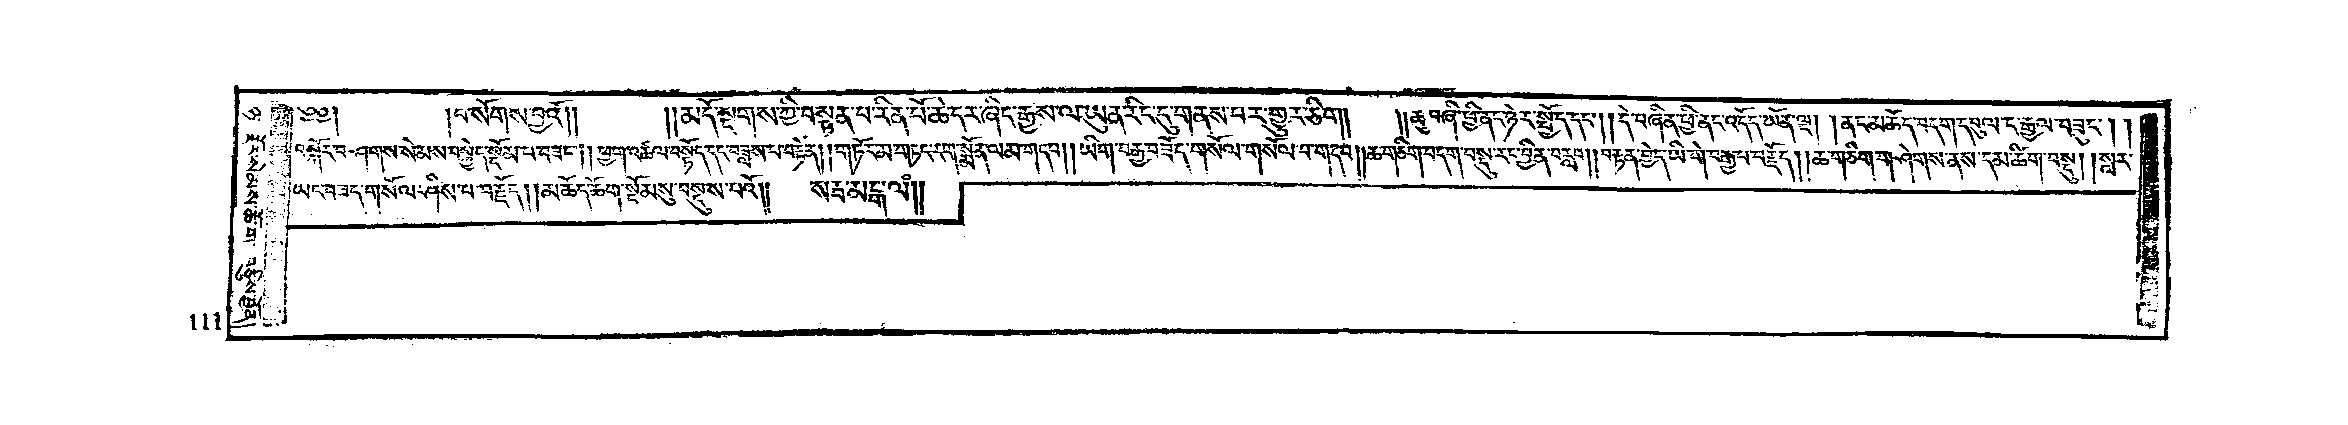༄༅། །བ་སོགས་བྱའོ།། །།མདོ་སྔགས་ཀྱི་བསྟན་པ་རིན་པོ་ཆེ་དར་ཞིང་རྒྱས་ལ་ཡུན་རིང་དུ་གནས་པར་གྱུར་ཅིག ། །།ཆུ་བཞི་ཕྱི་ནང་ཉེར་སྤྱོད་དང་། །དེ་བཞིན་ཕྱི་ནང་འདོད་ཡོན་ལྔ། །ནང་མཆོད་བདག་དབུལ་ང་རྒྱལ་བཟུང་། །
བསྐོར་བཤགས་སེམས་བསྐྱེད་སྡོམ་པ་བཟང་། །ཕྱག་འཚལ་བསྟོད་དང་བཟླས་པ་བརྟེན། །གཏོར་མ་གཏང་རག་སྨོན་ལམ་གདབ། །ཡིག་བརྒྱ་བཟོད་གསོལ་གསོལ་བ་གདབ། །ཆ་གཅིག་བདག་བསྡུ་རང་བྱིན་བརླབ། །བརྟན་བྱེད་ཡི་གེ་བརྒྱ་བ་བརྗོད། །ཆ་གཅིག་གཤེགས་ནས་དམ་ཚིག་བསྡུ། །སླར་
ཡང་བཟད་གསོལ་ཤིས་པ་བརྗོད། །མཆོད་ཆོག་སྡོམས་སུ་བསྡུས་པའོ། །སརྦ་མངྒ་ལཾ། །